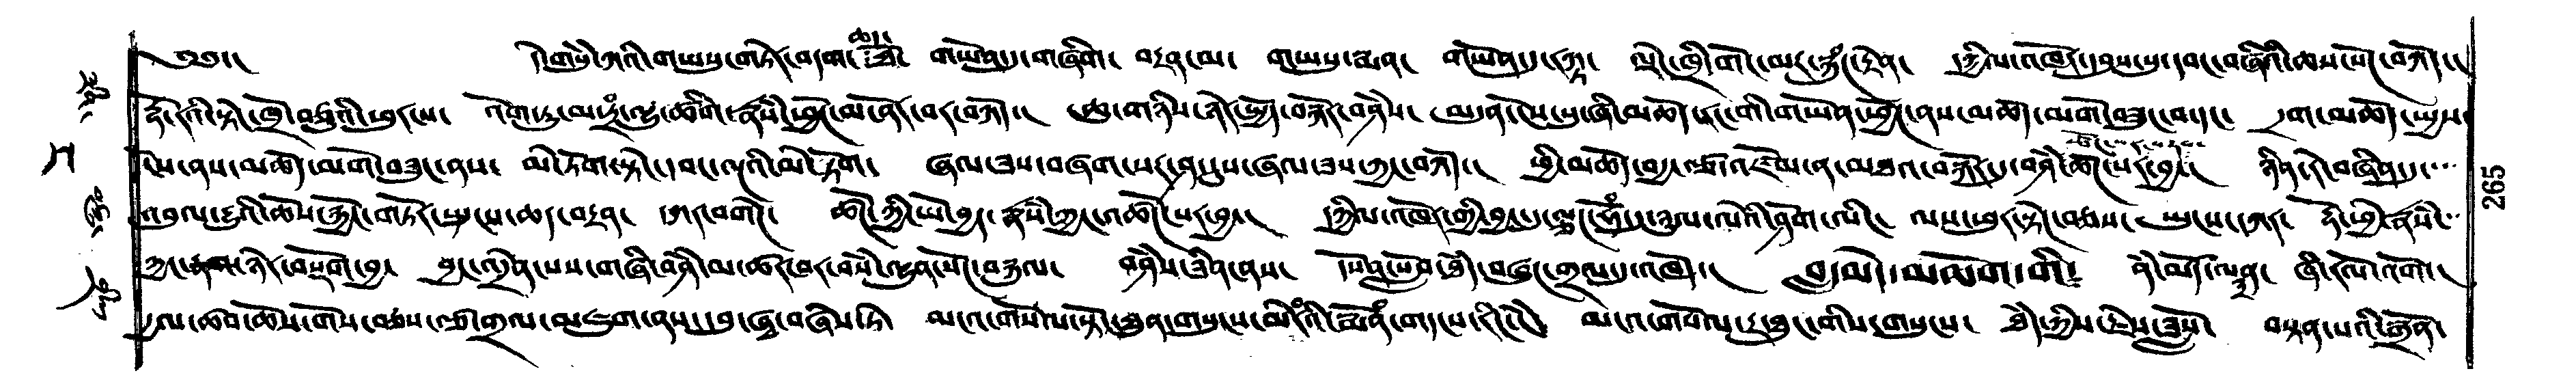དེ་གསུམ་ཀའི་གཡས་སུ་གཏེར་བདག་ཆད་ཐོ། གཡོན་དུ་གཞི་བདག བརྟན་མ། གཡས་སུ་སྨན། གཡོན་དུ་རཀྟ། ལྡེང་ཁྲི་གོང་མར་སྐུ་གསུང་ཐུགས་རྟེན། དཀྱིལ་འཁོར་དབུས་སུ་དབང་བཞིའི་ཆས་སོགས་དགོད། 
རྡོ་རྭའི་སྟེང་ཁྲོ་བཅུའི་ཕུར་པ། འོག་ཏུ་མ་ཏྲཾ་ལྷུ་ཚིགས་རྣམས་ཕྱོགས་མ་ནོར་བར་དགཽད། ཆུ་གཉིས་ཉེར་སྤྱོད་བསྐོར་བཤམ། མདུན་ངོས་སུ་ཞི་མཆོད་རང་གི་གཡོན་ཕྱོགས་ནས་མཆོད་མགོ་བཟུང་བ་དང་། དྲག་མཆོད་གཡས་
ངོས་ནས་མཆོད་མགོ་བཟུང་སྟེ་མེ་ཏོག་སྟེང་དབང་ལྔའི་མེ་ཏོགཞལ་ཟས་བཞག་སར་ཤ་རུས་ཞལ་ཟས་ཀྱང་དགཽད། ཕྱི་མཆོད་བརྒྱ་རྩ་འཛོམས་ན་མཐའ་སྐོར་དུ་བཤམ། ཉིན་རེ་བཞིན་དུ་
འབུལ་རྒྱུའི་ཆོས་སྐྱོང་གཏོར་སྤུངས། ཆད་བརྟན། དཀར་བགེགས། ཚོགས་ཀྱི་ཡོ་བྱད་རྣམས་ཀྱང་འཚོགས་པར་བྱ། དཀྱིལ་འཁོར་གྱི་བྱང་དུ་ལྕགས་ཧོམ་དུ་ཉུལ་ལེའི་ཤོག་ལིང་། ལས་ཕུར་སྟེགས་བཅས་ཡུངས་དཀར། རྡོ་ཕྱེ་རྣམས་
ཀྱང་ཉེར་བསྡོག་བྱ། བྱང་འདྲེན་པས་གཞི་བཤམས་མ་ཚར་བར་བསམ་ལྷུན་སོགས་བསྐུལ། བཤམས་ཟིན་ནས་དཔོན་སློབ་ཐམས་ཅད་བཞུགས་གྲལ་དུ་འཁོད། བླ་མེད་མཆོག་གི༴ ནམ་མཛོད་ལན་གསུམ། ཞི་རོལ་འོག་
རྒྱལ་ཚབ་ཆོས་གོས་བཅས་རྩ་གྲལ་མཇུག་ནས་དབུ་ཞྭ་བཞེས་ཏེ། མངའ་གསོལ་སྟོང་ཐུན་གསུང། མར་མེའི་སྨོན་ལམ་གདངས་རིང་ངམ་མངའ་གསོལ་རྟ་ཐུང་གིས་གསུངས། ཐམས་ཅད་ཀྱིས་རྗེས་ཟློས། བསྟན་པའི་སྒྲོན་